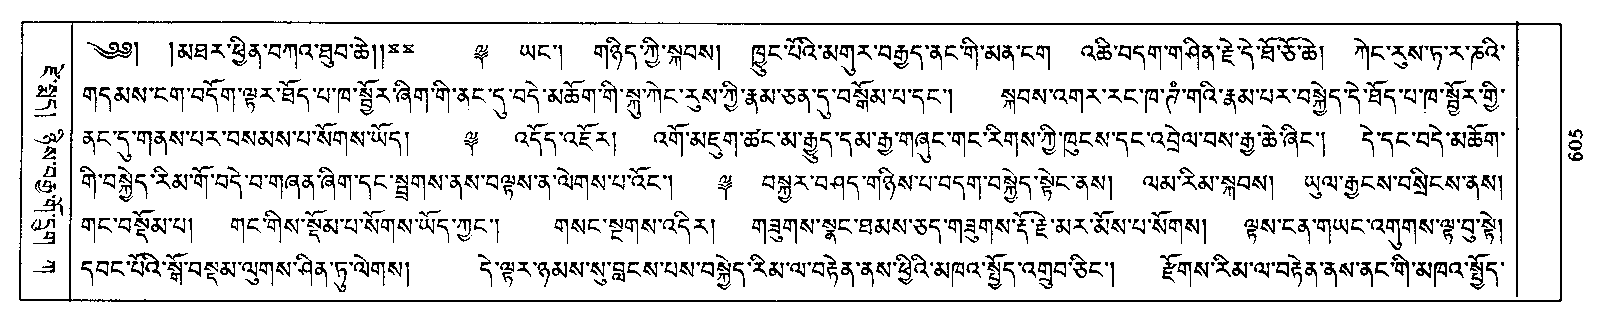༄༅། །མཐར་ཕྱིན་བཀའ་ཐུབ་ཆེ།། ྾་྾་༈ ཡང་། གཉིད་ཀྱི་སྐབས། ཁྱུང་པོའི་མགུར་བརྒྱད་ནང་གི་མན་ངག་འཆི་བདག་གཤིན་རྗེ་དེ་ཐོ་ཅོ་ཆེ། ཀེང་རུས་ཏ་ར་ཎའི་
གདམས་ངག་བདོག་ལྟར་ཐོད་པ་ཁ་སྦྱོར་ཞིག་གི་ནང་དུ་བདེ་མཆོག་གི་སྐུ་ཀེང་རུས་ཀྱི་རྣམ་ཅན་དུ་བསྒོམ་པ་དང་། སྐབས་འགར་རང་ཁ་ཊཾ་གའི་རྣམ་པར་བསྐྱེད་དེ་ཐོད་པ་ཁ་སྦྱོར་གྱི་
ནང་དུ་གནས་པར་བསམས་པ་སོགས་ཡོད། ༈ འདོད་འཇོར། འགོ་མཇུག་ཚང་མ་རྒྱུད་དམ་རྒྱ་གཞུང་གང་རིགས་ཀྱི་ཁུངས་དང་འབྲེལ་བས་རྒྱ་ཆེ་ཞིང་། དེ་དང་བདེ་མཆོག་
གི་བསྐྱེད་རིམ་གོ་བདེ་བ་གཞན་ཞིག་དང་སྦྲགས་ནས་བལྟས་ན་ལེགས་པ་འོང་། ༈ བསྐྱར་བཤད་གཉིས་པ་བདག་བསྐྱེད་སྟེང་ནས། ལམ་རིམ་སྐབས། ཡུལ་རྒྱངས་བསྲིངས་ནས།
གང་བསྡོམ་པ། གང་གིས་སྡོམ་པ་སོགས་ཡོད་ཀྱང་། གསང་སྔགས་འདིར། གཟུགས་སྣང་ཐམས་ཅད་གཟུགས་རྡོ་རྗེ་མར་མོས་པ་སོགས། ལྟས་ངན་གཡང་འགུགས་ལྟ་བུ་སྟེ།
དབང་པོའི་སྒོ་བསྡམ་ལུགས་ཤིན་ཏུ་ལེགས། དེ་ལྟར་ཉམས་སུ་བླངས་པས་བསྐྱེད་རིམ་ལ་བརྟེན་ནས་ཕྱིའི་མཁའ་སྤྱོད་འགྲུབ་ཅིང་། རྫོགས་རིམ་ལ་བརྟེན་ནས་ནང་གི་མཁའ་སྤྱོད་